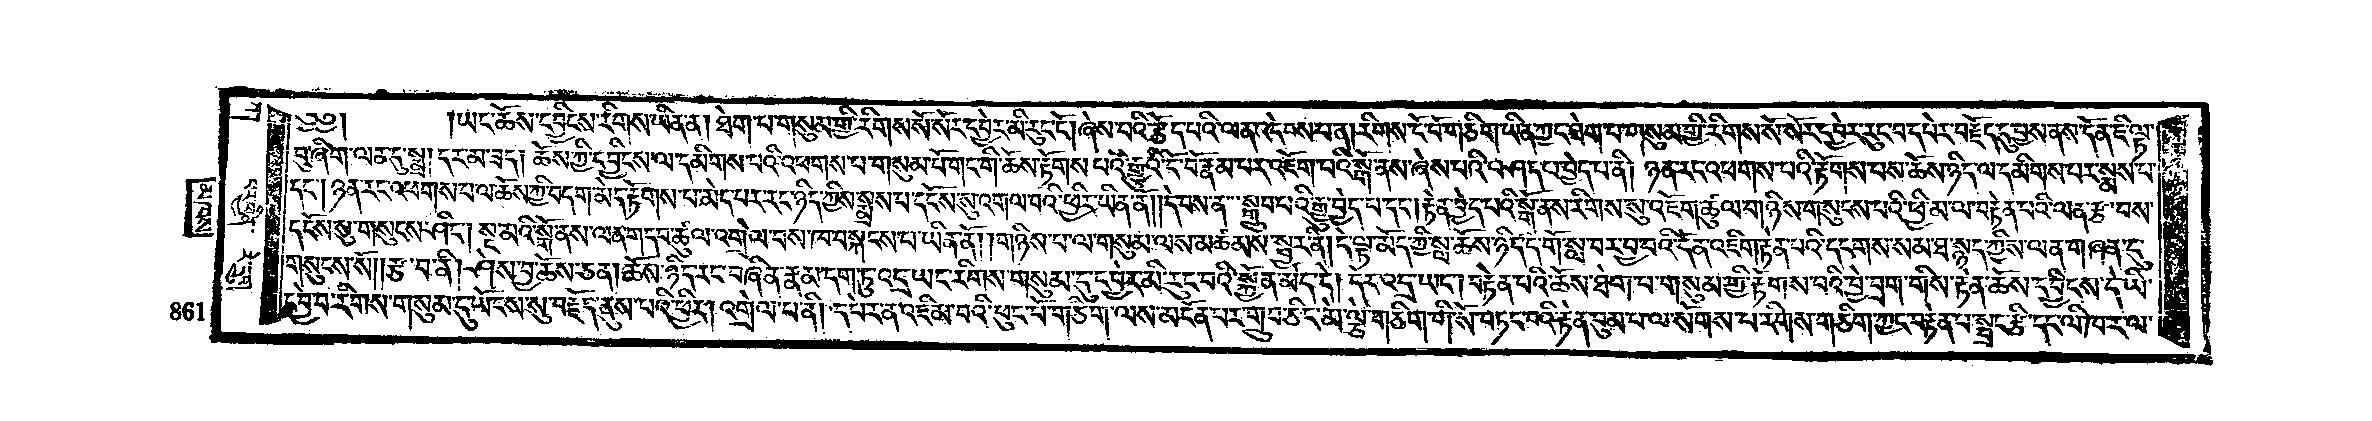༄༅། །ཡང་ཆོས་དབྱིངས་རིགས་ཡིན་ན། ཐེག་པ་གསུམ་གྱི་རིགས་སོ་སོར་དབྱེར་མི་རུང་ངོ། ཞེས་པའི་རྩོད་པའི་ལན་འདེབས་པ་ན། རིགས་ངོ་བོ་གཅིག་ཡིན་ཀྱང་ཐེག་པ་གསུམ་གྱི་རིགས་སོ་སོར་དབྱེར་རུང་བ་དཔེར་བརྗོད་དུ་བྱས་ནས་དོན་ཇི་ལྟ་
བུ་ཞིག་ལན་དུ་སྨྲ། དེར་མ་ཟད། ཆོས་ཀྱི་དབྱིངས་ལ་དམིགས་པའི་འཕགས་པ་གསུམ་པོ་གང་གི་ཆོས་རྟོགས་པའི་རྒྱུའི་ངོ་བོ་རྣམ་པར་འཇོག་པའི་སྒོ་ནས་ཞེས་པའི་བཤད་པ་བྱེད་པ་ནི། ཉན་རང་འཕགས་པའི་རྟོགས་པས་ཆོས་ཉིད་ལ་དམིགས་པར་སྨས་པ་
དང་། ཉན་རང་འཕགས་པ་ལ་ཆོས་ཀྱི་བདག་མེད་རྟོགས་པ་མེད་པར་རང་ཉིད་ཀྱིས་སྨྲས་པ་དངོས་སུ་འགལ་བའི་ཕྱིར་ཡིན་ནོ། །དེ་བས་ན་སྒྲུབ་པའི་རྒྱུ་བྱེད་པ་དང་། རྟེན་བྱེད་པའི་སྒོ་ནས་རིགས་སུ་འཇོག་ཚུལ་གཉིས་གསུངས་པའི་ཕྱི་མ་ལ་བརྟེན་པའི་ལན་རྩ་བས་
དངོས་སུ་གསུངས་ཤིང་། སྔ་མའི་སྒོ་ནས་ལན་གདབ་ཚུལ་འགྲེལ་བས་ཁ་བསྐངས་པ་ཡིན་ནོ། །གཉིས་པ་ལ་གསུམ་ལས་མཚམས་སྦྱར་ནི། དེ་ལྟ་མོད་ཀྱི་སླ་ཆོས་ཉིད་དེ་གོ་སླ་བར་བྱ་བའི་དོན་འཇིག་རྟེན་པའི་དངགས་སམ་ཐ་སྙད་ཀྱིས་ལན་གཞན་དུ་
གསུངས་སོ། །རྩ་བ་ནི། ཤེས་བྱ་ཆོས་ཅན། ཆོས་ཉིད་རང་བཞིན་རྣམ་དག་ཏུ་འདྲ་ཡང་རིགས་གསུམ་དུ་དབྱེར་མི་རུང་བའི་སྐྱོན་མེད་དེ། དེར་འདྲ་ཡང་། བརྟེན་པའི་ཆོས་ཐེག་པ་གསུམ་གྱི་རྟོགས་པའི་བྱེ་བྲག་གིས་རྟེན་ཆོས་དབྱིངས་དེ་ཡི་
དབྱེ་བ་རིགས་གསུམ་དུ་ཡོངས་སུ་བརྗོད་ནུས་པའི་ཕྱིར། འགྲེལ་པ་ནི། དཔེར་ན་འཇིམ་པའི་ཕུང་པོ་གཅིག་ལས་མངོན་པར་གྲུབ་ཅིང་མེ་ལྕེ་གཅིག་གི་སོ་བཏང་བའི་རྟེན་བུམ་པ་ལ་སོགས་པ་རིགས་གཅིག་ཀྱང་བརྟེན་པ་སྦྲང་རྩི་དང་ལི་ཁར་ལ་